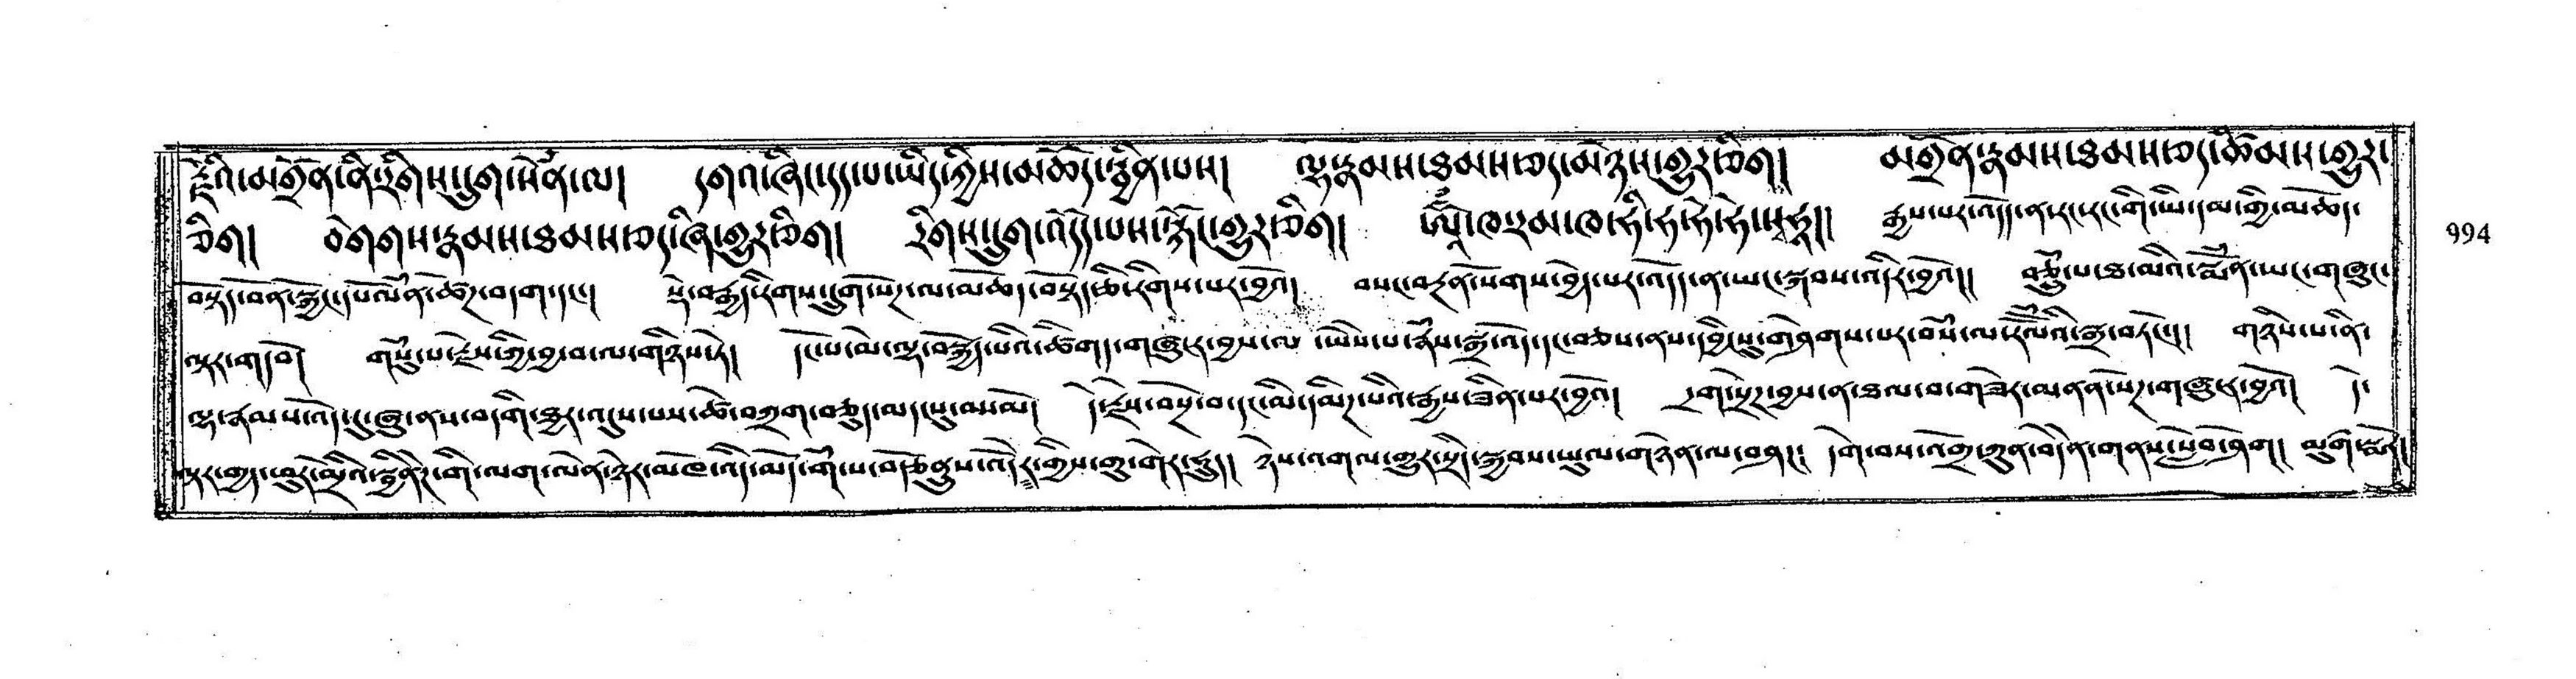རྗེའི་མགྲོན་ནི་རིགས་དྲུག་སེམས་ཅན་ལ། དགའ་ཞིང་དད་པ་ཡིད་ཀྱིས་མཆོད་སྦྱིན་པས། ལྷ་རྣམས་ཐམས་ཅད་མཉེས་གྱུར་ཅིག མགྲོན་རྣམས་ཐམས་ཅད་ཚིམས་གྱུར་
ཅིག བགེགས་རྣམས་ཐམས་ཅད་ཞི་གྱུར་ཅིག རིགས་དྲུག་འདོད་པས་སྐོང་གྱུར་ཅིག ཨཱོཾ་ཁ་རམ་ཁ་ཧི་ཧ་ཧེ་ཧེ་སྭཧཱ།། རྒྱས་པར་འདོད་ན་རང་རང་གི་ཡི་དམ་གྱི་མཆོད་
བསྟོད་བོན་སྐྱོང་དཔལ་མགོན་ཚོགས་བདག་དང་། སྡེ་བརྒྱད་རིགས་དྲུག་སོགས་ལ་མཆོད་བསྟོད་ཅི་རིགས་པར་བྱའོ། བསང་བརྔན་སོགས་བྱེད་པར་འདོད་ན་ཡང་སྐབས་འདིར་བྱའོ།། བཅུ་གསུམ་ཐ་མའི་སྨོན་ལམ་ཡང་གཞུང་
ལྟར་གདབ་བོ། གསུམ་པ་རྗེས་ཀྱི་བྱ་བ་ལ་གཉིས་ཏེ། དང་པོ་མེ་ལྷ་བསྐྱེད་པའི་ཚིག་བཤད་གཞུང་ལྟར་བྱས་ལ་ཡེ་ཤེས་པ་རྣམས་སྒྲ་འོད་དང་བཅས་ནས་དབྱིངས་སུ་གཤེགས་པར་བསམ་ལ་རོལ་མོའི་སྒྲ་བཏང་ངོ་།། གཉིས་པ་ནི་
ལྷ་རྣམས་འོད་དུ་ཞུ་ནས་བདག་གི་ཐུགས་ཀར་འདུས་པས་ཚེ་བཀྲག་བཅུད་མདངས་སུ་བསམ་མོ། དེ་རྗེས་བསྔོ་བ་དང་མི་དམིགས་པའི་རྒྱས་ཟིན་པར་བྱའོ། དྲག་སྲེག་བྱས་ན་ཐལ་བ་གཟེར་མནན་སོགས་གཞུང་ལྟར་བྱའོ། དེ་
ལྟར་གྱད་ཕུར་མེ་རིའི་སྦྱིན་སྲེག་གི་ལག་ལེན་ཉེར་མཁོ་འདི་མདོ་གཾ་པ་བརྩོན་འགྲུས་འོད་ཟེར་གྱིས་གུ་གེར་ཧྲུད། ཉེས་འགལ་གྱུར་སྲིད་སྐྱབས་ཡུལ་གཉེན་ལ་བཤགས། དགེ་བས་འགྲོ་ཀུན་བདེ་ཆེན་གནས་སླེབ་ཤོག མུ་ཙུག་སྨར་རོ། །